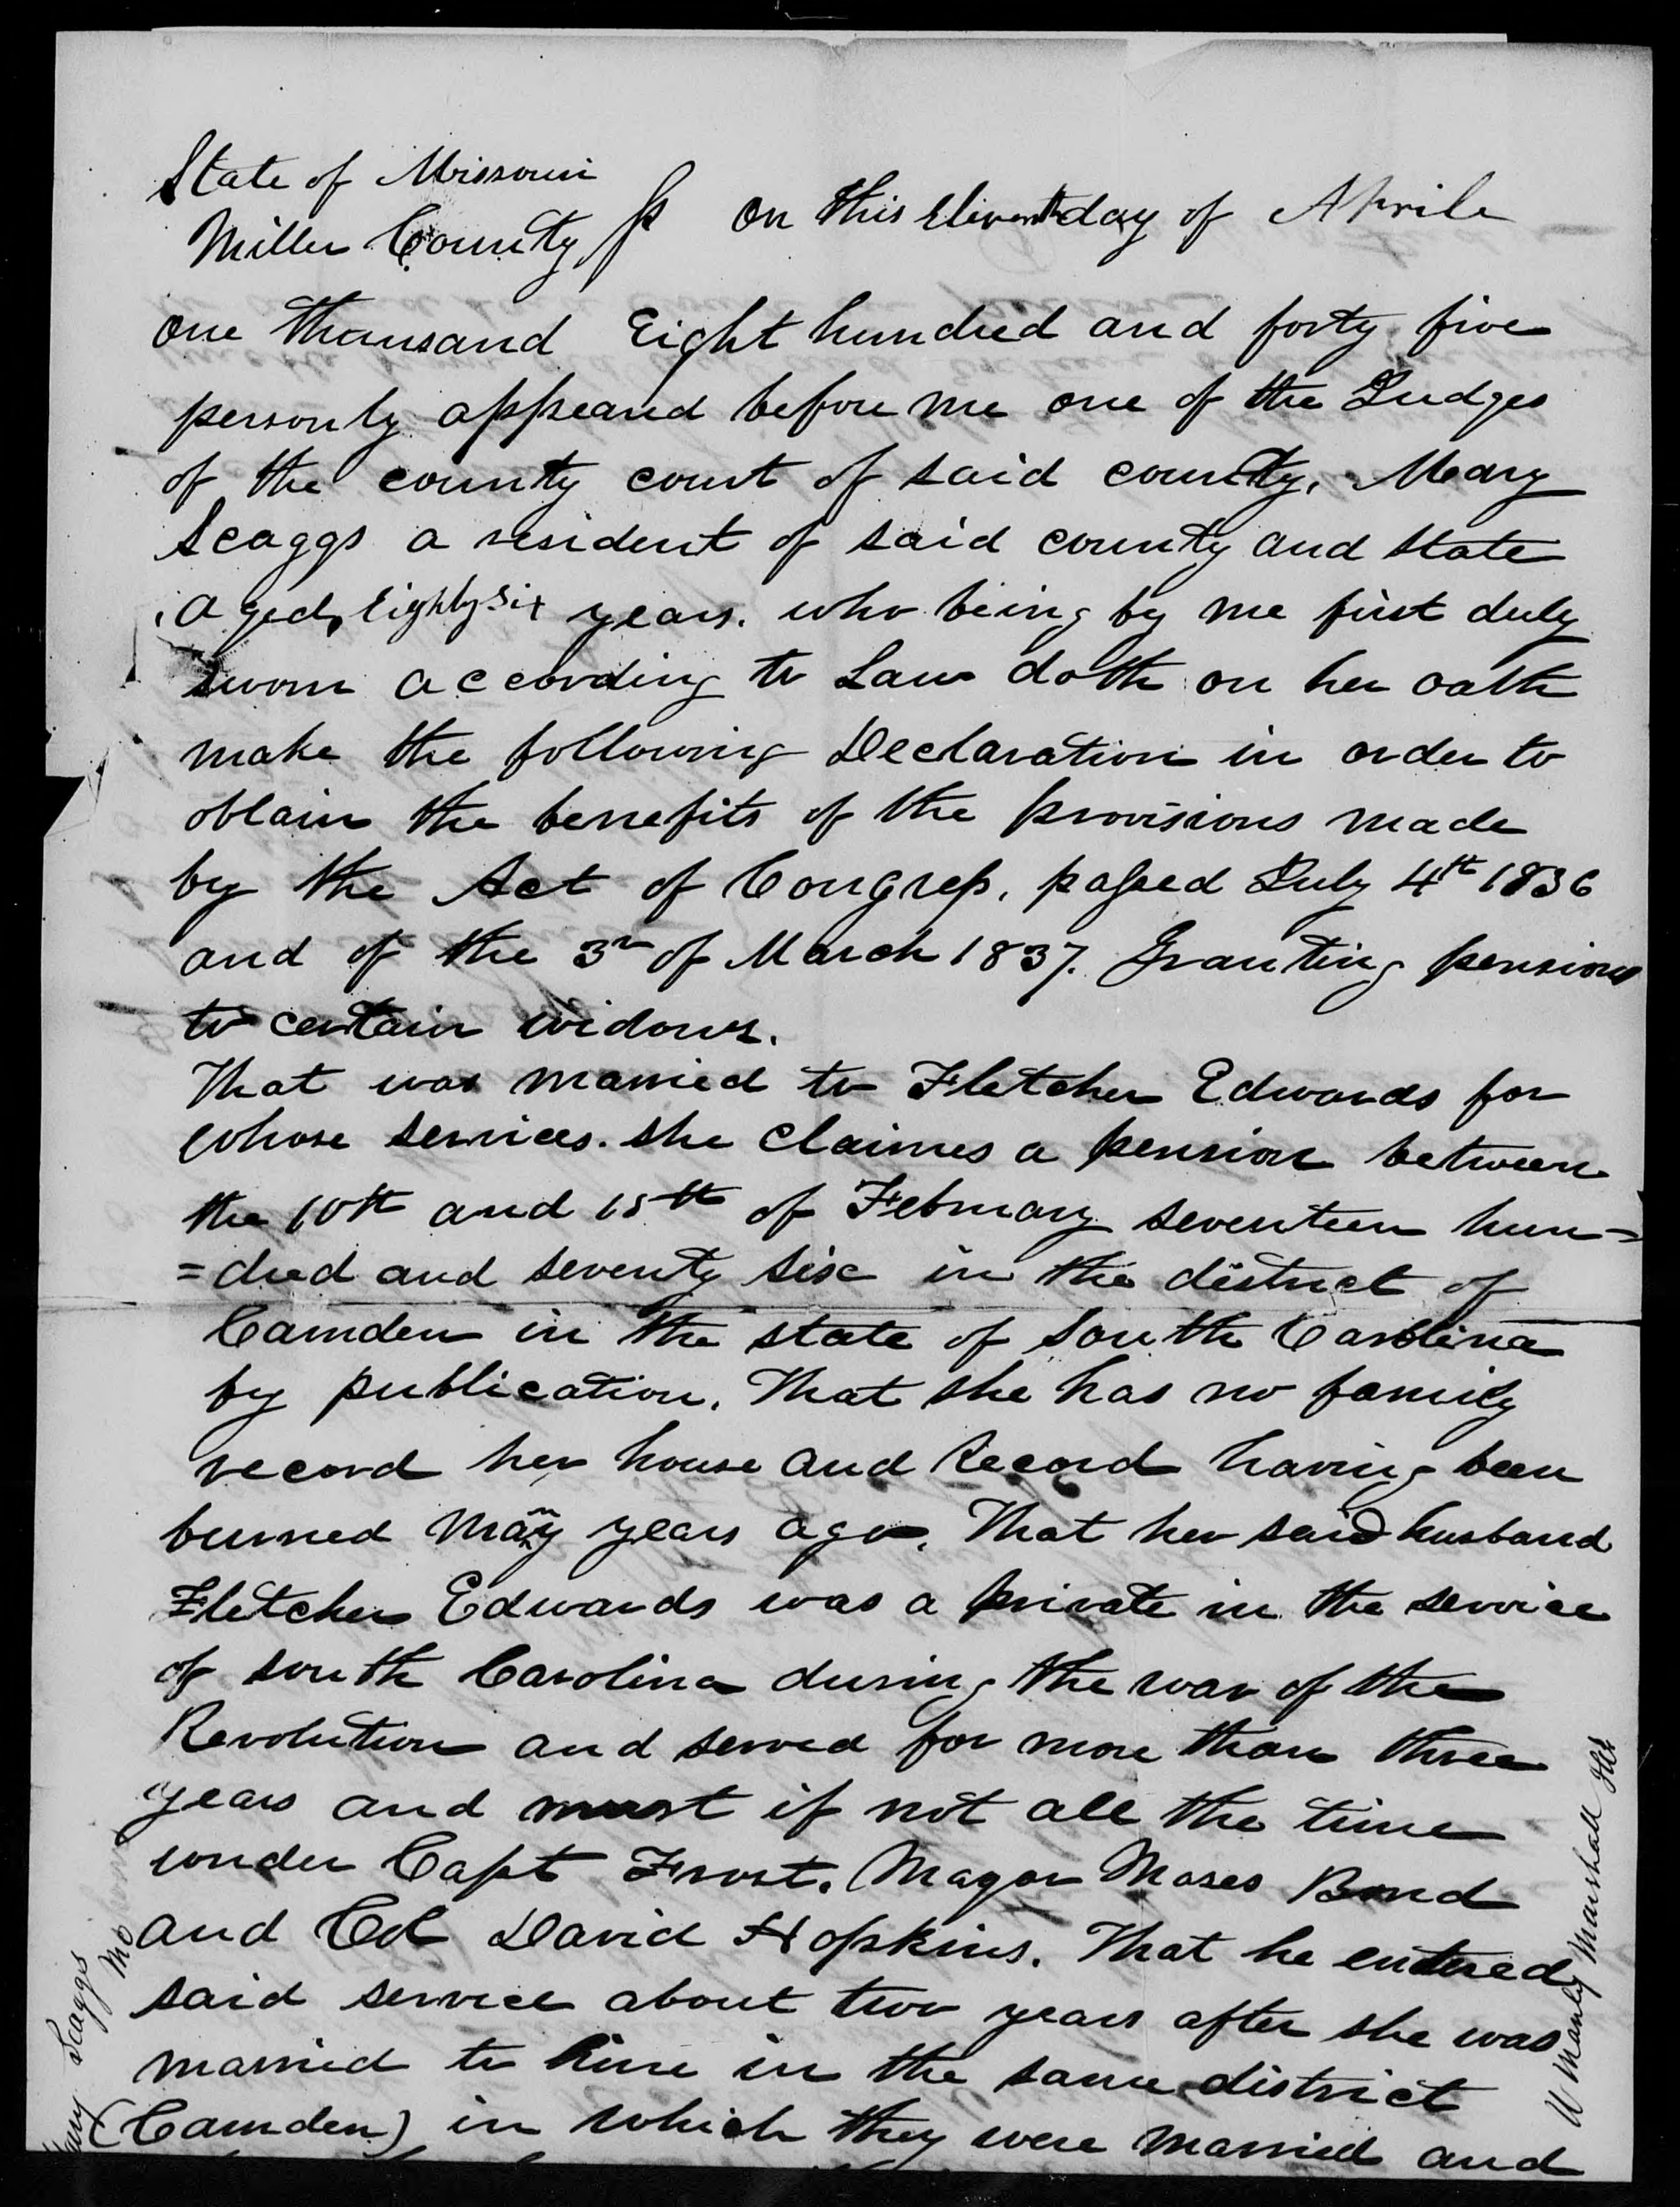State of Missouri
Miller County ss
On this Eleventh day of April one thousand Eight hundred and forty five personally appeared before me one of the Judges of the county court of said County, Mary Scaggs a resident of said County and State aged Eighty six years, who being by me first duly sworn according to Law doth on her oath make the following declaration in order to obtain the benefits of the provisions made by the Act of Congress, passed July 4th 1836 and of the 3 of March 1837. granting pensions to certain widows

That was married to Fletcher Edwards for whose services, she claims a pension between the 10th and 15th of February Seventeen hundred and seventy six in the district of Camden in the State of South Carolina by publication. That she has no family record her house and record having been
burned may years ago. That her said husband Fletcher Edwards was a private in the service of South Carolina during the war of the Revolution and served for more than three years and most if not all the time under Capt Frost, Major Moses Bond and Col David Hopkins. That he entered
said service about two years after she was married to him in the same district (Camden) in which they were married and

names: Frost, Fletcher Edwards, Mary Scaggs, Mary Scaggs, Moses Bond, Fletcher Edwards, W Manly Marshall, David Hopkins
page: 3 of 16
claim: rejected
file: R. 9,250, Fletcher Edwards, S.C.